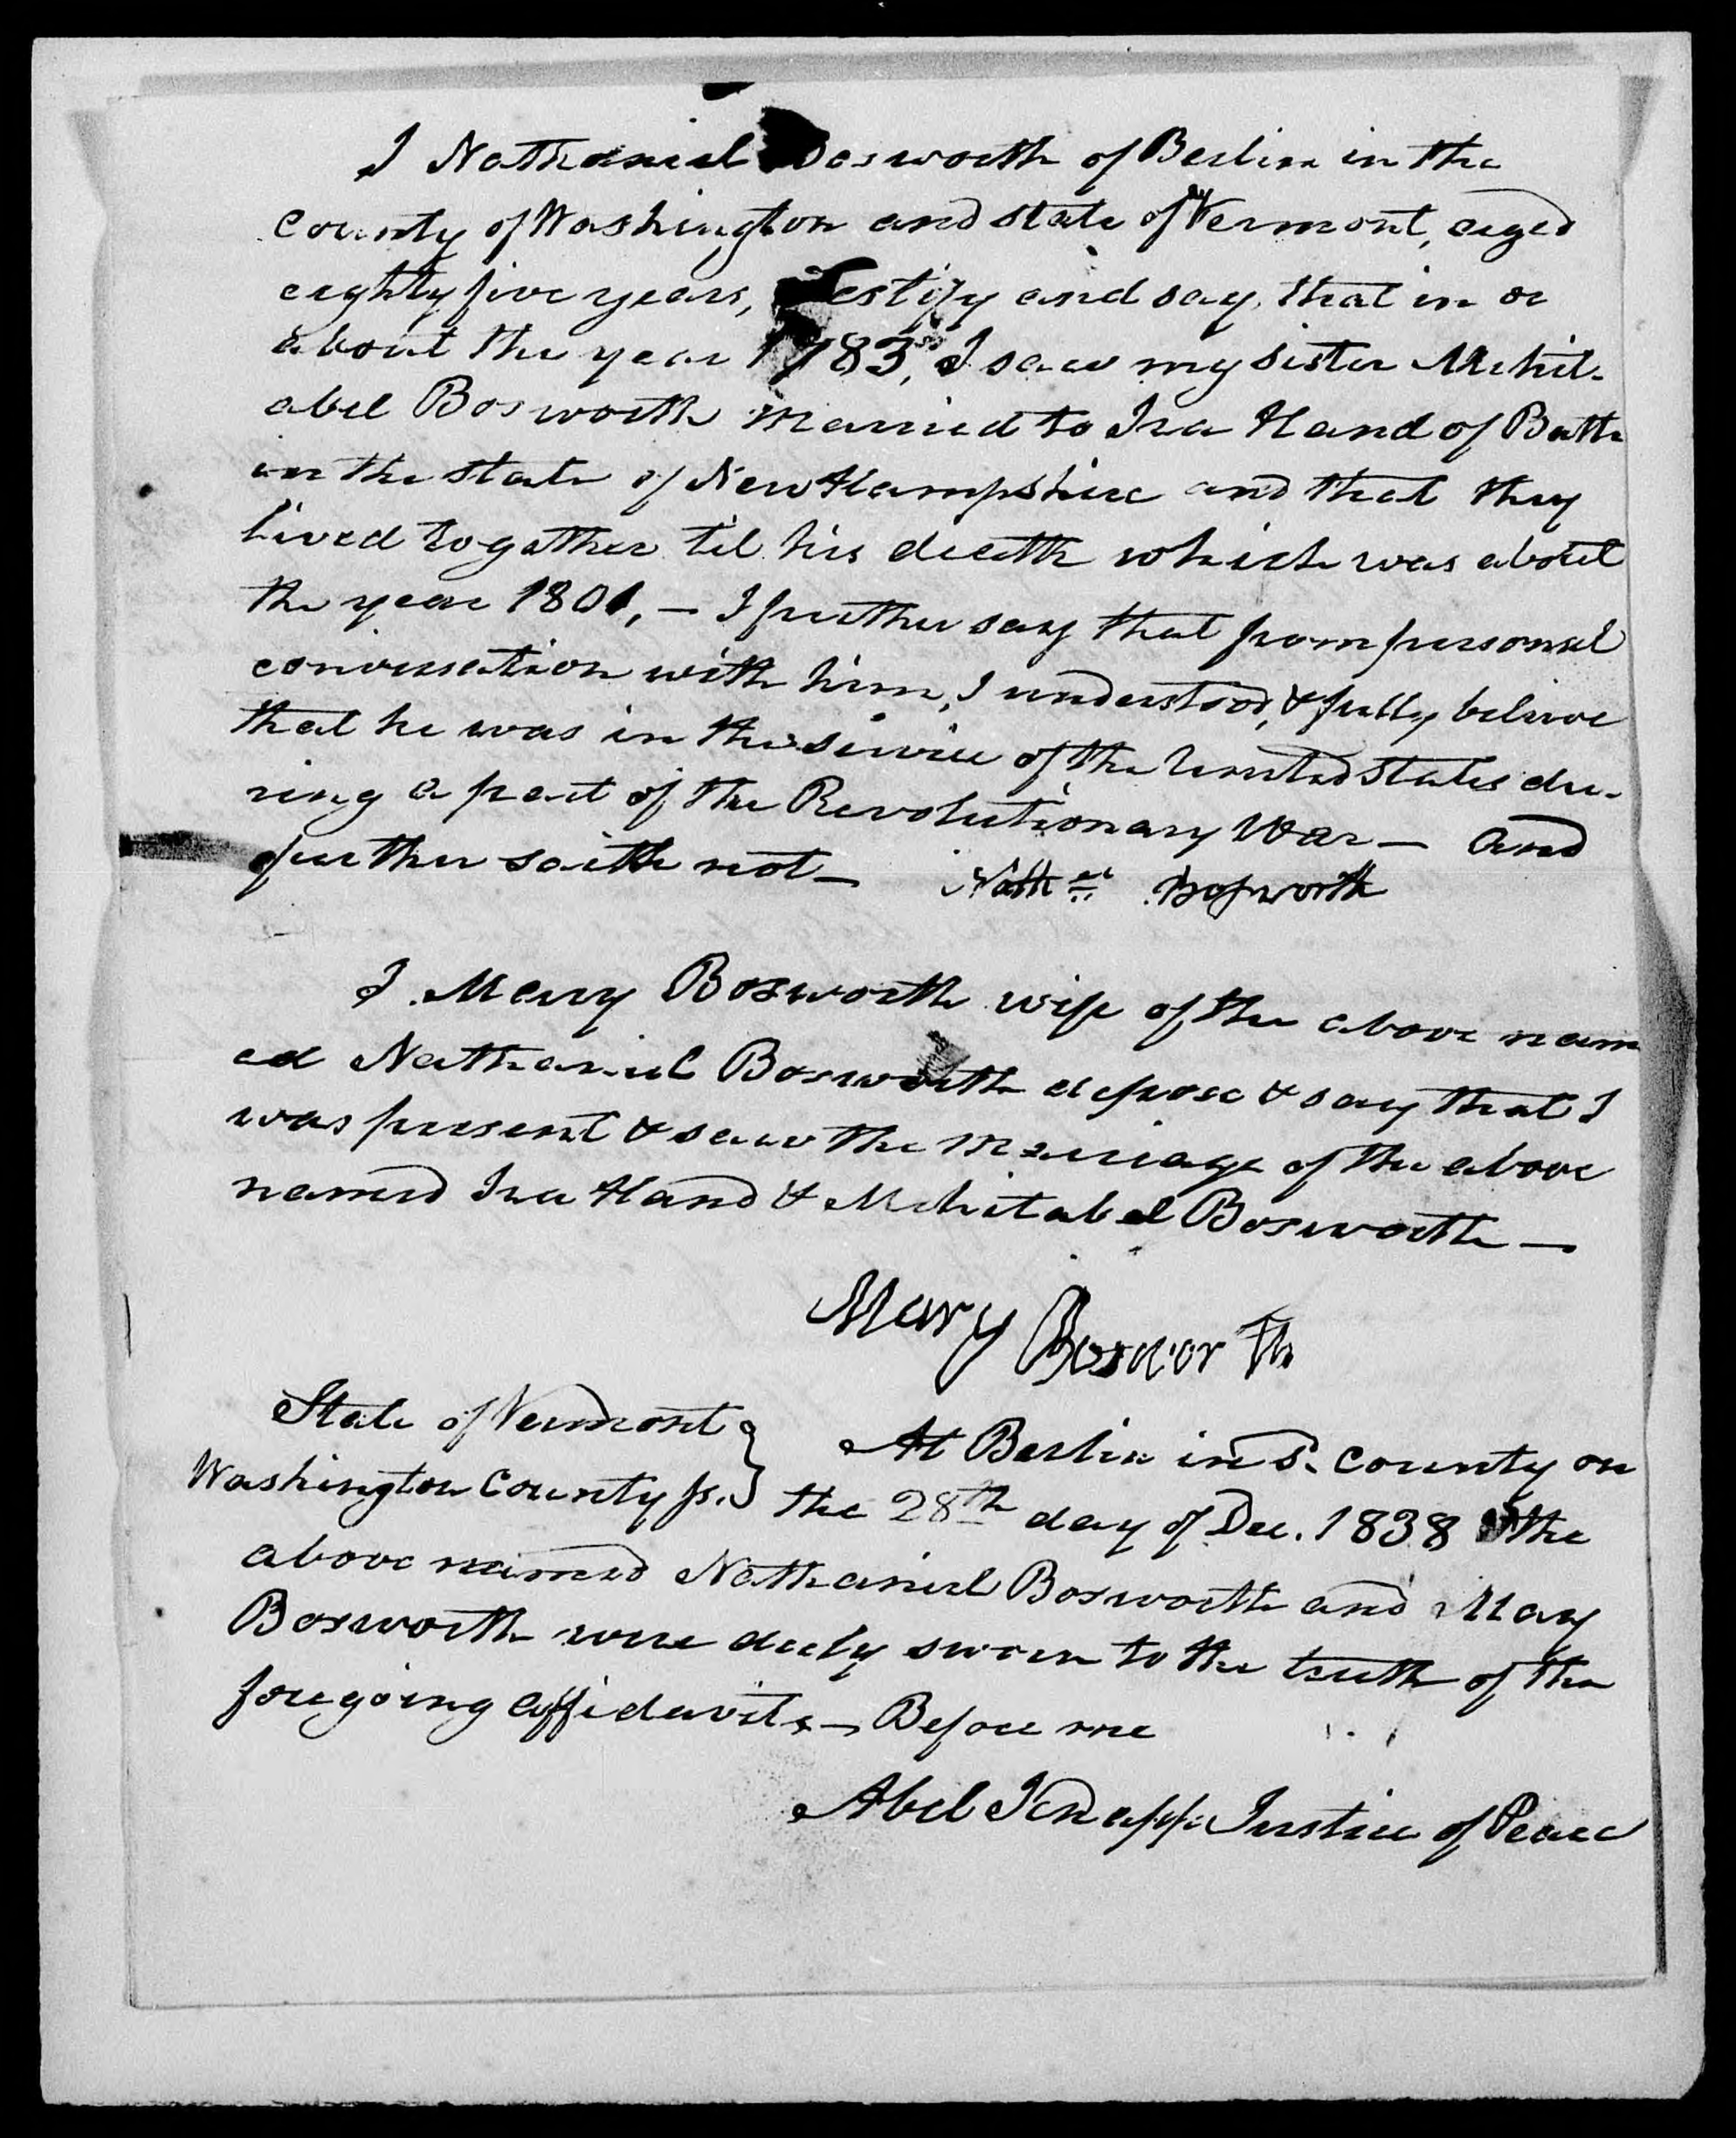I Nathaniel Desworth of Berlin in the
County of Washington and State of Vermont, aged
eighty five years, testify and say, that in or
about the year 1783. I saw my sister Mehitabel
 Bosworth married to Isa Hand of Bath
in the State of New Hampshire and that they
lived togather til his death which was about
the year 1806, - I further say that from personal 
conversation with him, I understood & fully believe
that he was in the service of the United States 
during a part of the Revolutionary war further
saith 
Nathaniel
Bosworth
Mary Bosworth wife of the above name
Nathaniel Bosworth depose & say that I
was present & saw the marriage of the above
named Ira Hand & Mehitabel Bosworth
Mary Bosworth
State of Vermont
At Boston in said County on
Washington County the 28th day of Dec. 1838 the
above named Nathaniel Bosworth and Mary
Bosworth were duly sworn to the truth of the
foregoing affidavits-- Before me
Abel Knapp Justice of Peace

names: Mehitabel Bosworth, Mary Bosworth, Mary Bosworth, Mary Bosworth, Ira Hand, Nathaniel Bosworth, Nathaniel Bosworth, Ira Hand, Mehitabel Bosworth, Nathal Bosworth, Abel Knapp, Nathaniel Bosworth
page: 40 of 42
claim: widow's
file: W. 19,722, Ira Hand, N.H. Vt.